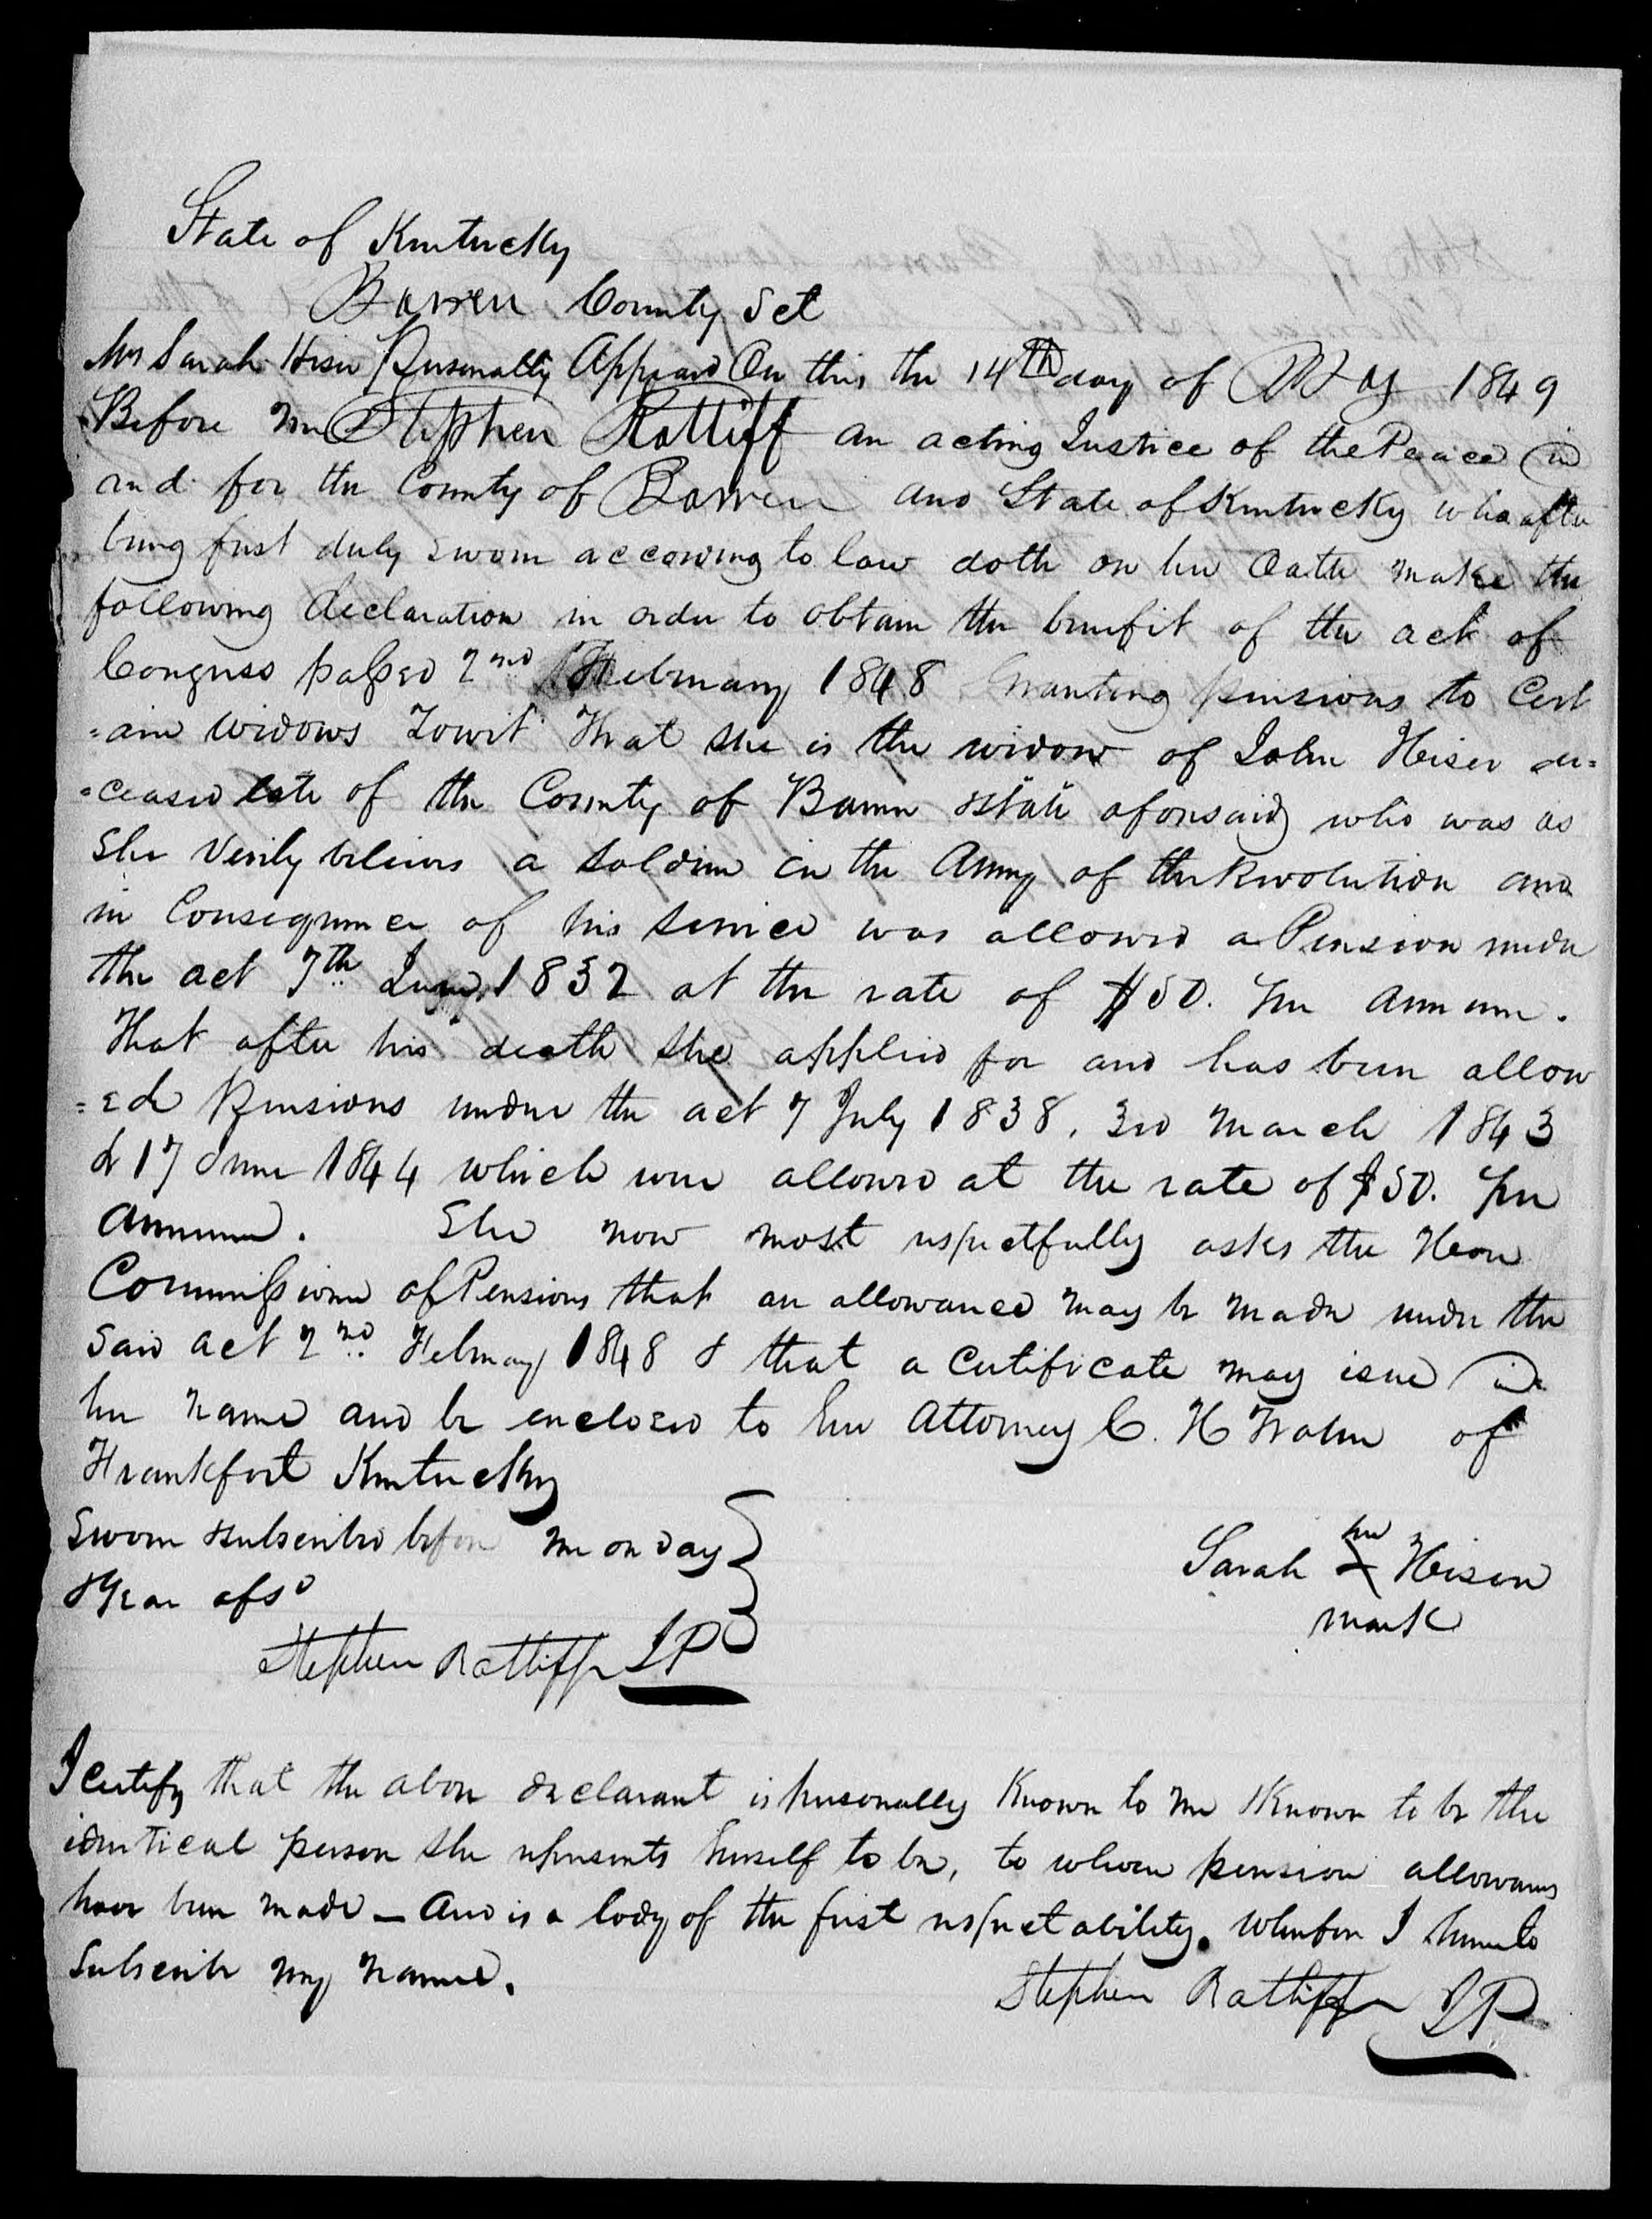State of Kentucky 
Barren County Sct.

Mrs. Sarah Hiser Personally Appeared on this the 14th day of May 1849 Before me Stephen Ratliff an acting Justice of the Peace in and for the County of Barren and State of Kentucky who after being first duly sworn according to law doth on her oath make the following declaration in order to obtain the benefit of the act of Congress passed 2nd February 1848 Granting pensions to certain widows to wit,  that she is the widow of John Hiser deceased late of the County of Barren state aforesaid who was as She verily believes a Soldier in the Army of the Revolution and in Consequence of his service was allowed a Pension under the act 7th (illegible) 1832 at the rate of $50 per annum.  That after his death She applied for and has been allowed pensions under the act 7 July 1838, 3rd March 1843 and 17 June 1844 which was allowed at the rate of $50 per annum.  She now most respectfully asks the Hon. Commissioner of Pensions that an allowance may be made under the said act 2nd February 1848 & that a certificate may issue her name and be enclosed to her attorney C. H. Trabue of Frankfort Kentucky 
                           Sarah Hiser {X is her mark}

Sworn & subscribed before me on day and year afs'd
                           Stephen Ratliff J P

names: Stephen Ratliff, Sarah Hiser, Stephen Ratliff, Sarah Hiser, John Hiser, Stephen Ratliff, C H Trabue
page: 45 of 58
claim: widow's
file: W. 8932, John Hiser, Penn.